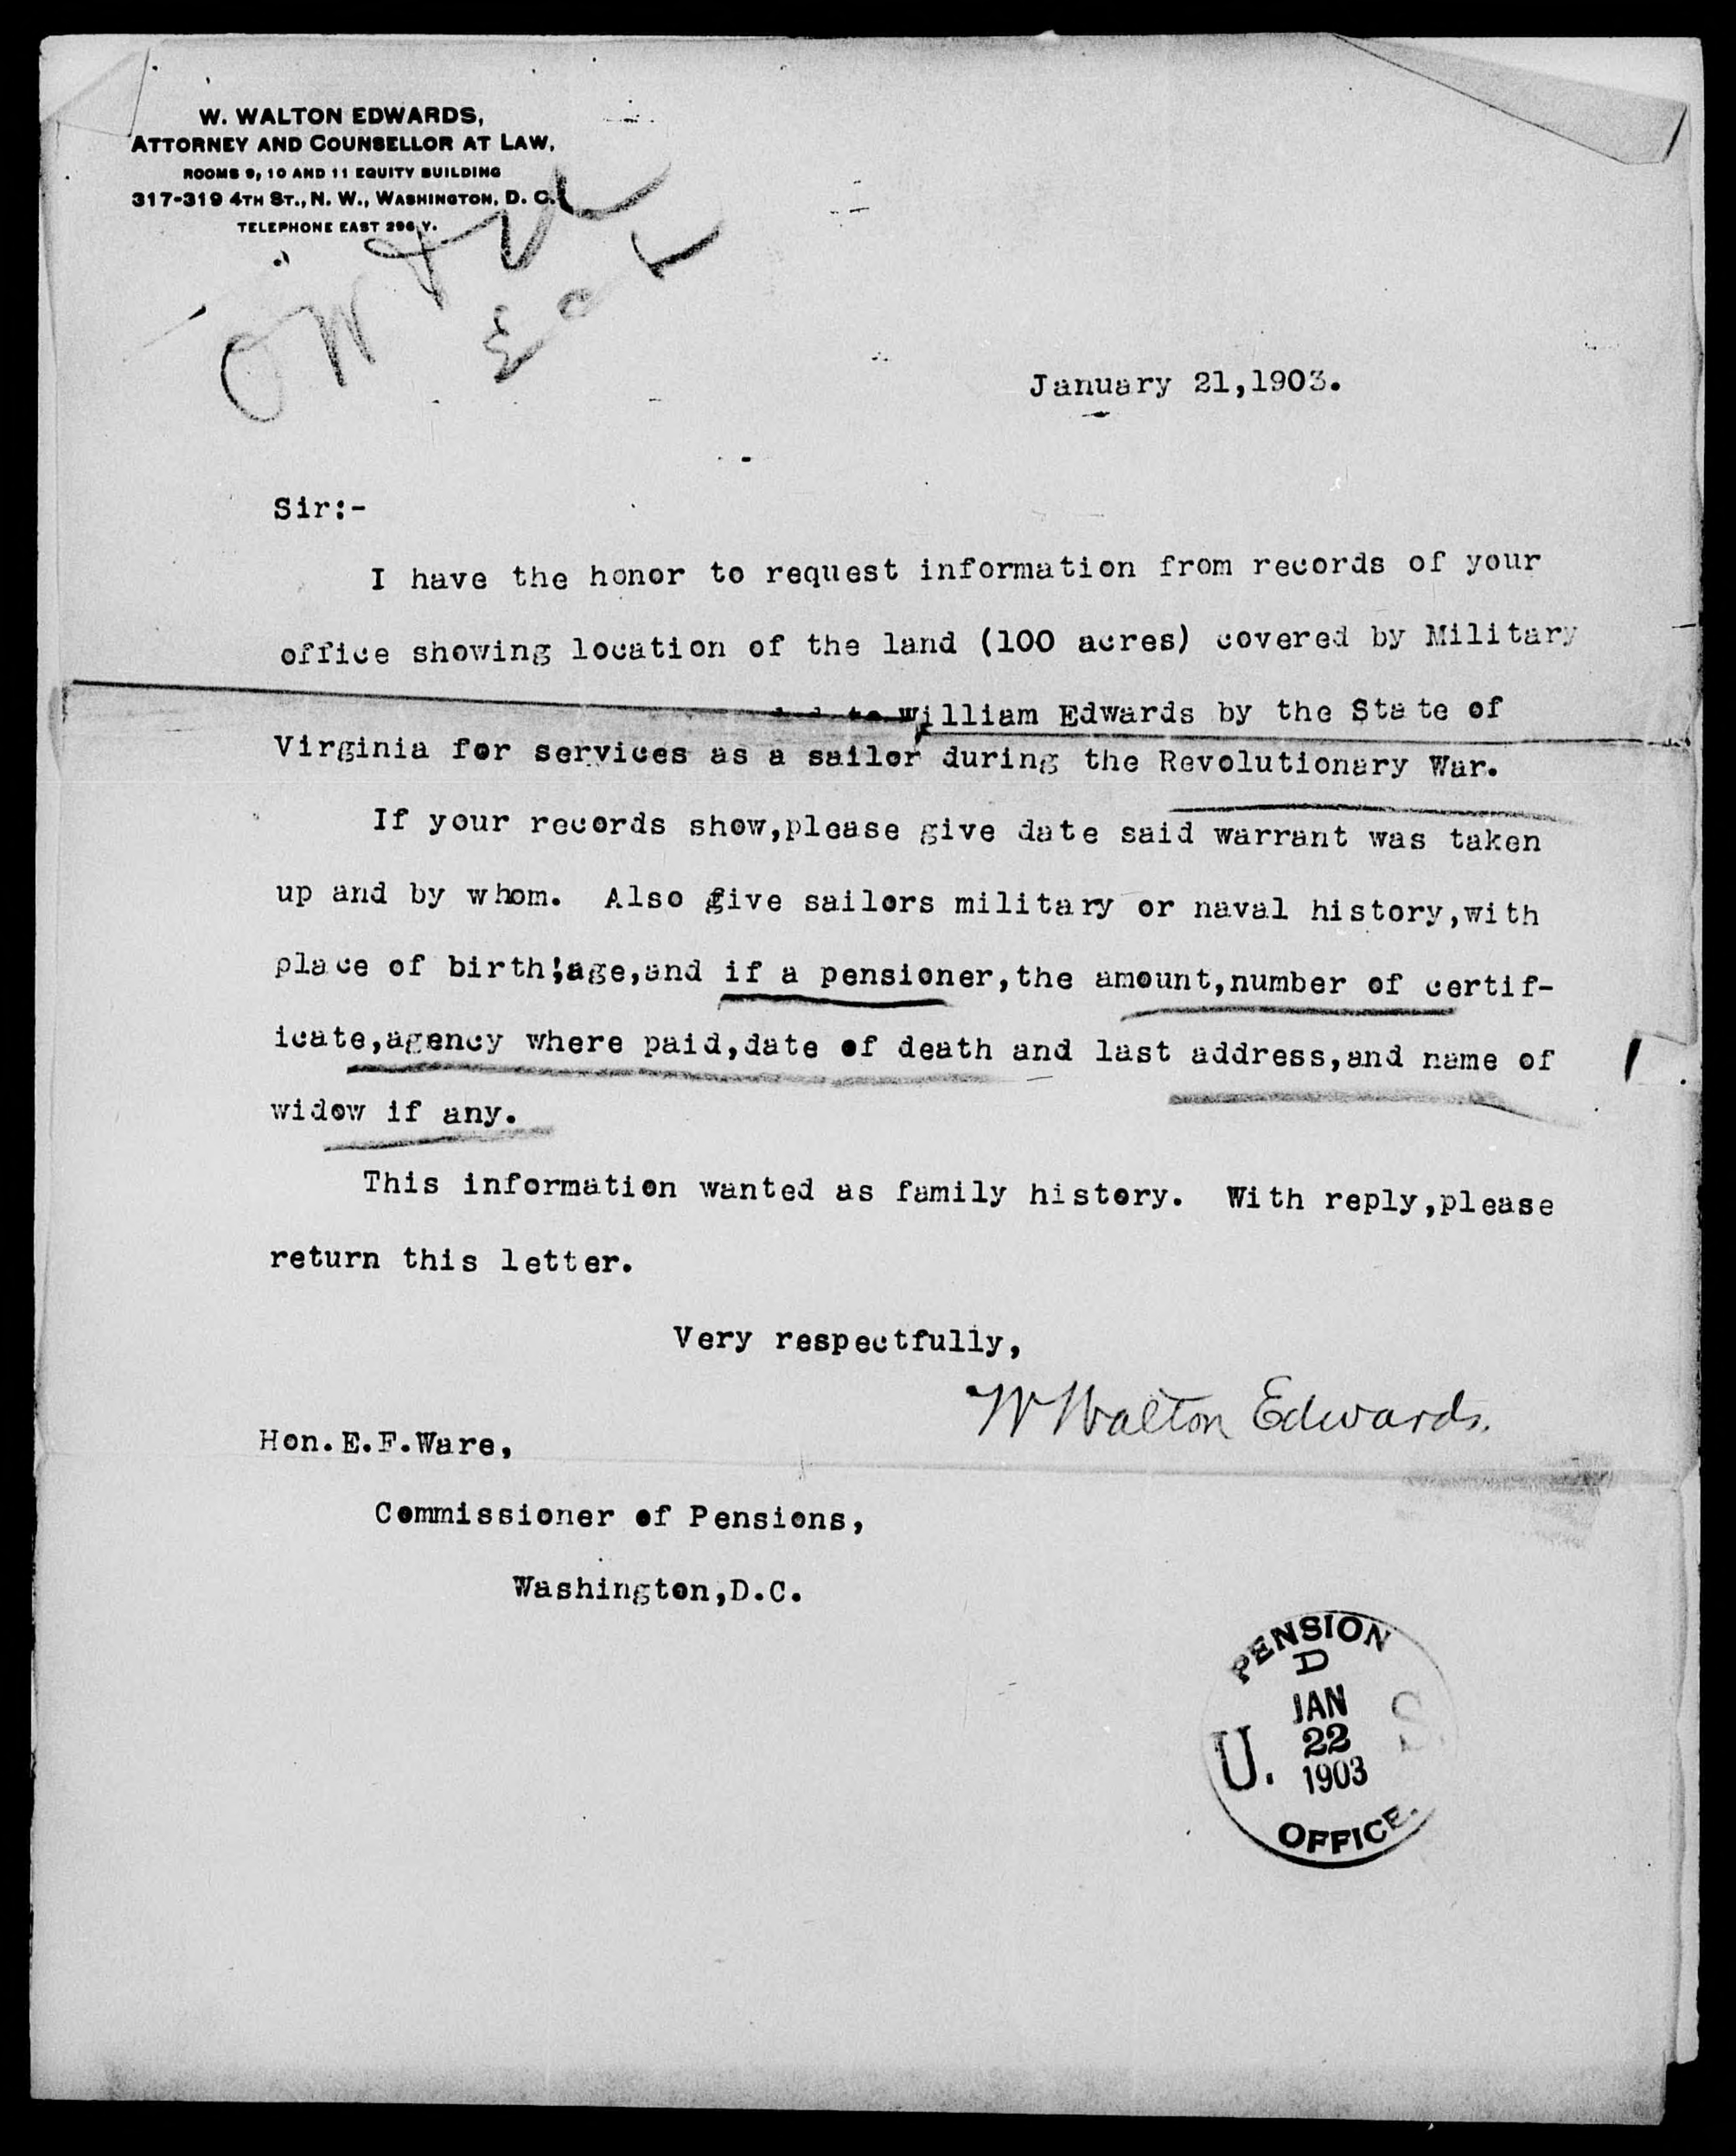W. WALTON EDWARDS,
ATTORNEY AND COUNSELLOR AT LAW,
ROOMS 9, 10 AND 11 EQUITY BUILDING
317-319 4TH ST., N. W., WASHINGTON, D.C.
TELEPHONE EAST 296[?] Y.
O W & N [illegible]
January 21, 1903.
Sir: --
January 21, 1903.
I have the honor to request information from records of your office showing location of the land (100 acres) covered by Military [text obscured by wrinkle in page] William Edwards by the State of Virginia for services as a sailor during the Revolutionary War.
If your records show, please give date said warrant was taken up and by whom. Also give sailors military or naval history, with place of birth, age, and if a pensioner, the amount, number of certificate, agency where paid, date of death and last address, and name of widow if any.
This information wanted as family history. With reply, please return this letter.
Very respectfully,
W Walton Edwards
Hon. E. F. Ware,
Commissioner of Pensions,
Washington, D.C.
 [circular stamp] U.S. PENSION OFFICE. D JAN 22 1903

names: W Walton Edwards, William Edwards, W Walton Edwards, E F Ware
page: 44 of 47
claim: survivor's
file: S. 3,322, William Edwards, Va.